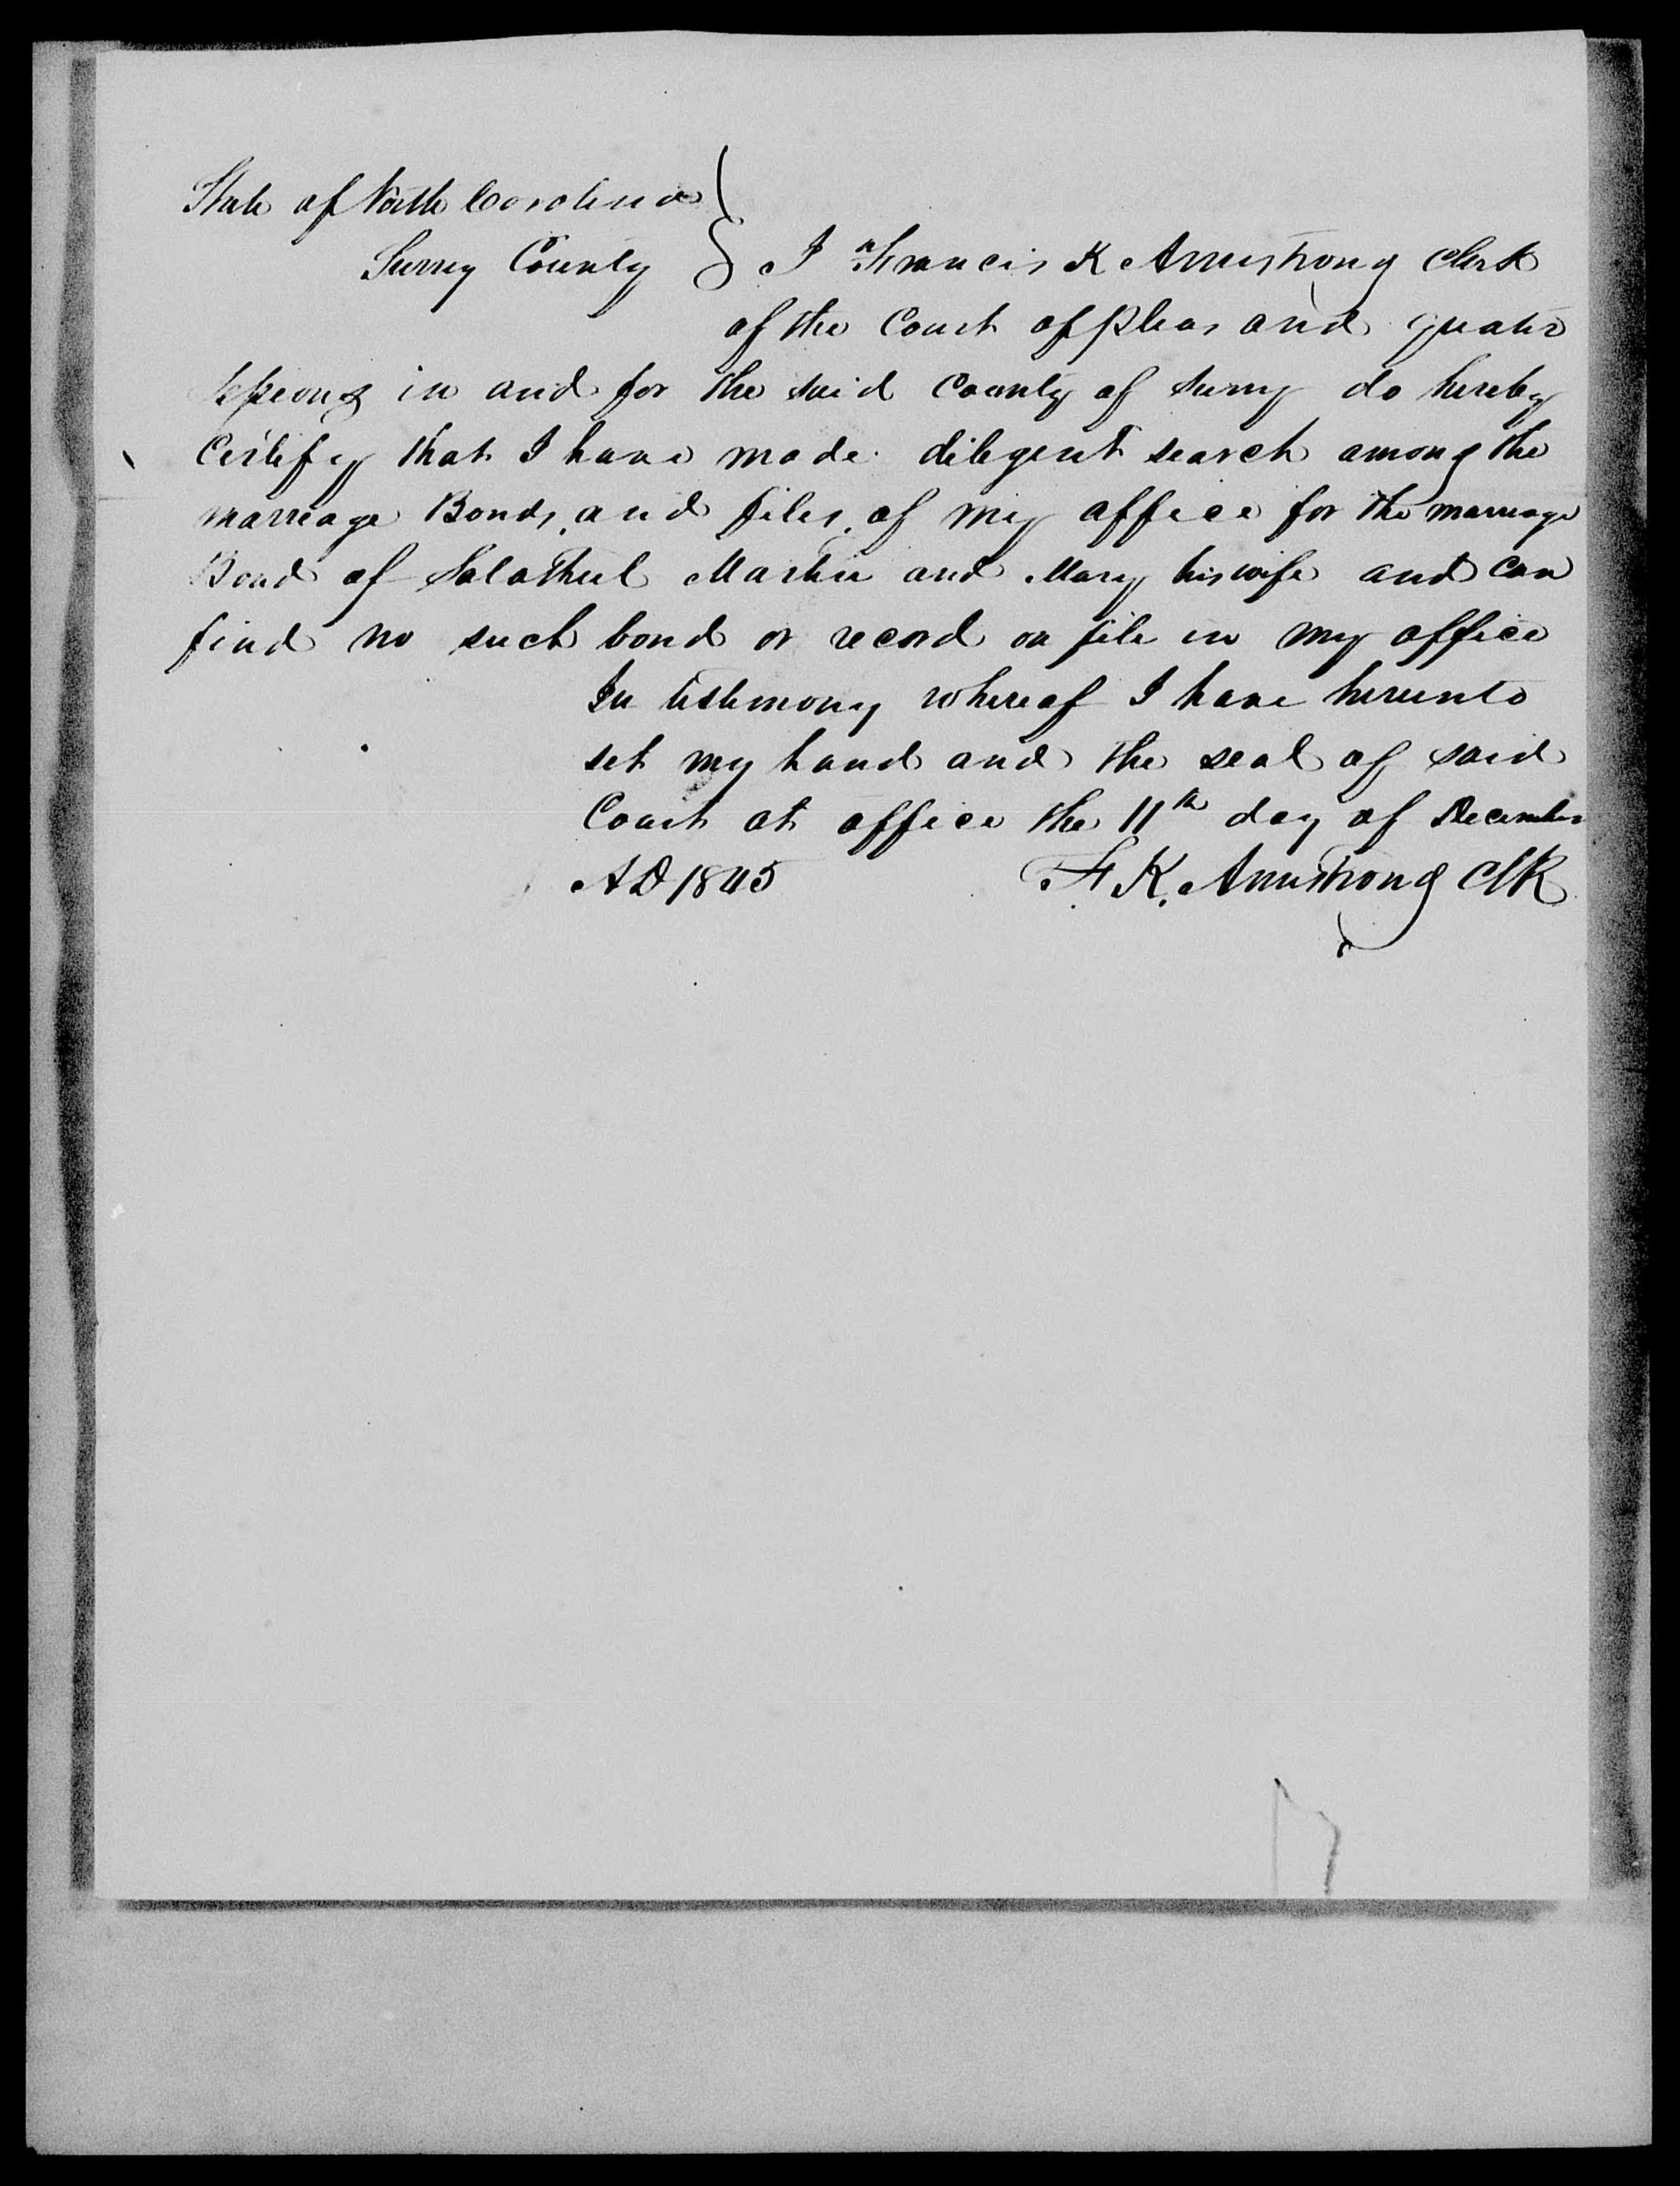State of North Carolina )
Surrey County               )
I Francis K Amstrong clerk
of the Court of pleas and quarter
Sessions in and for the said County of Surry do hereby
certify that I have made diligent search among the
marriage Bonds and files of my office for the marriage
Bond of Salathiel Martin and Mary his wife and can
find no such bond or record on file in my office
In testimony whereof I have hereunto
set my hand and the seal of said
Court at office the 11th day of December
AD 1845December
F K Armstrong clk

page: 93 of 120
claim: widow's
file: W. 1044, for Salathiel Martin, North Carolina